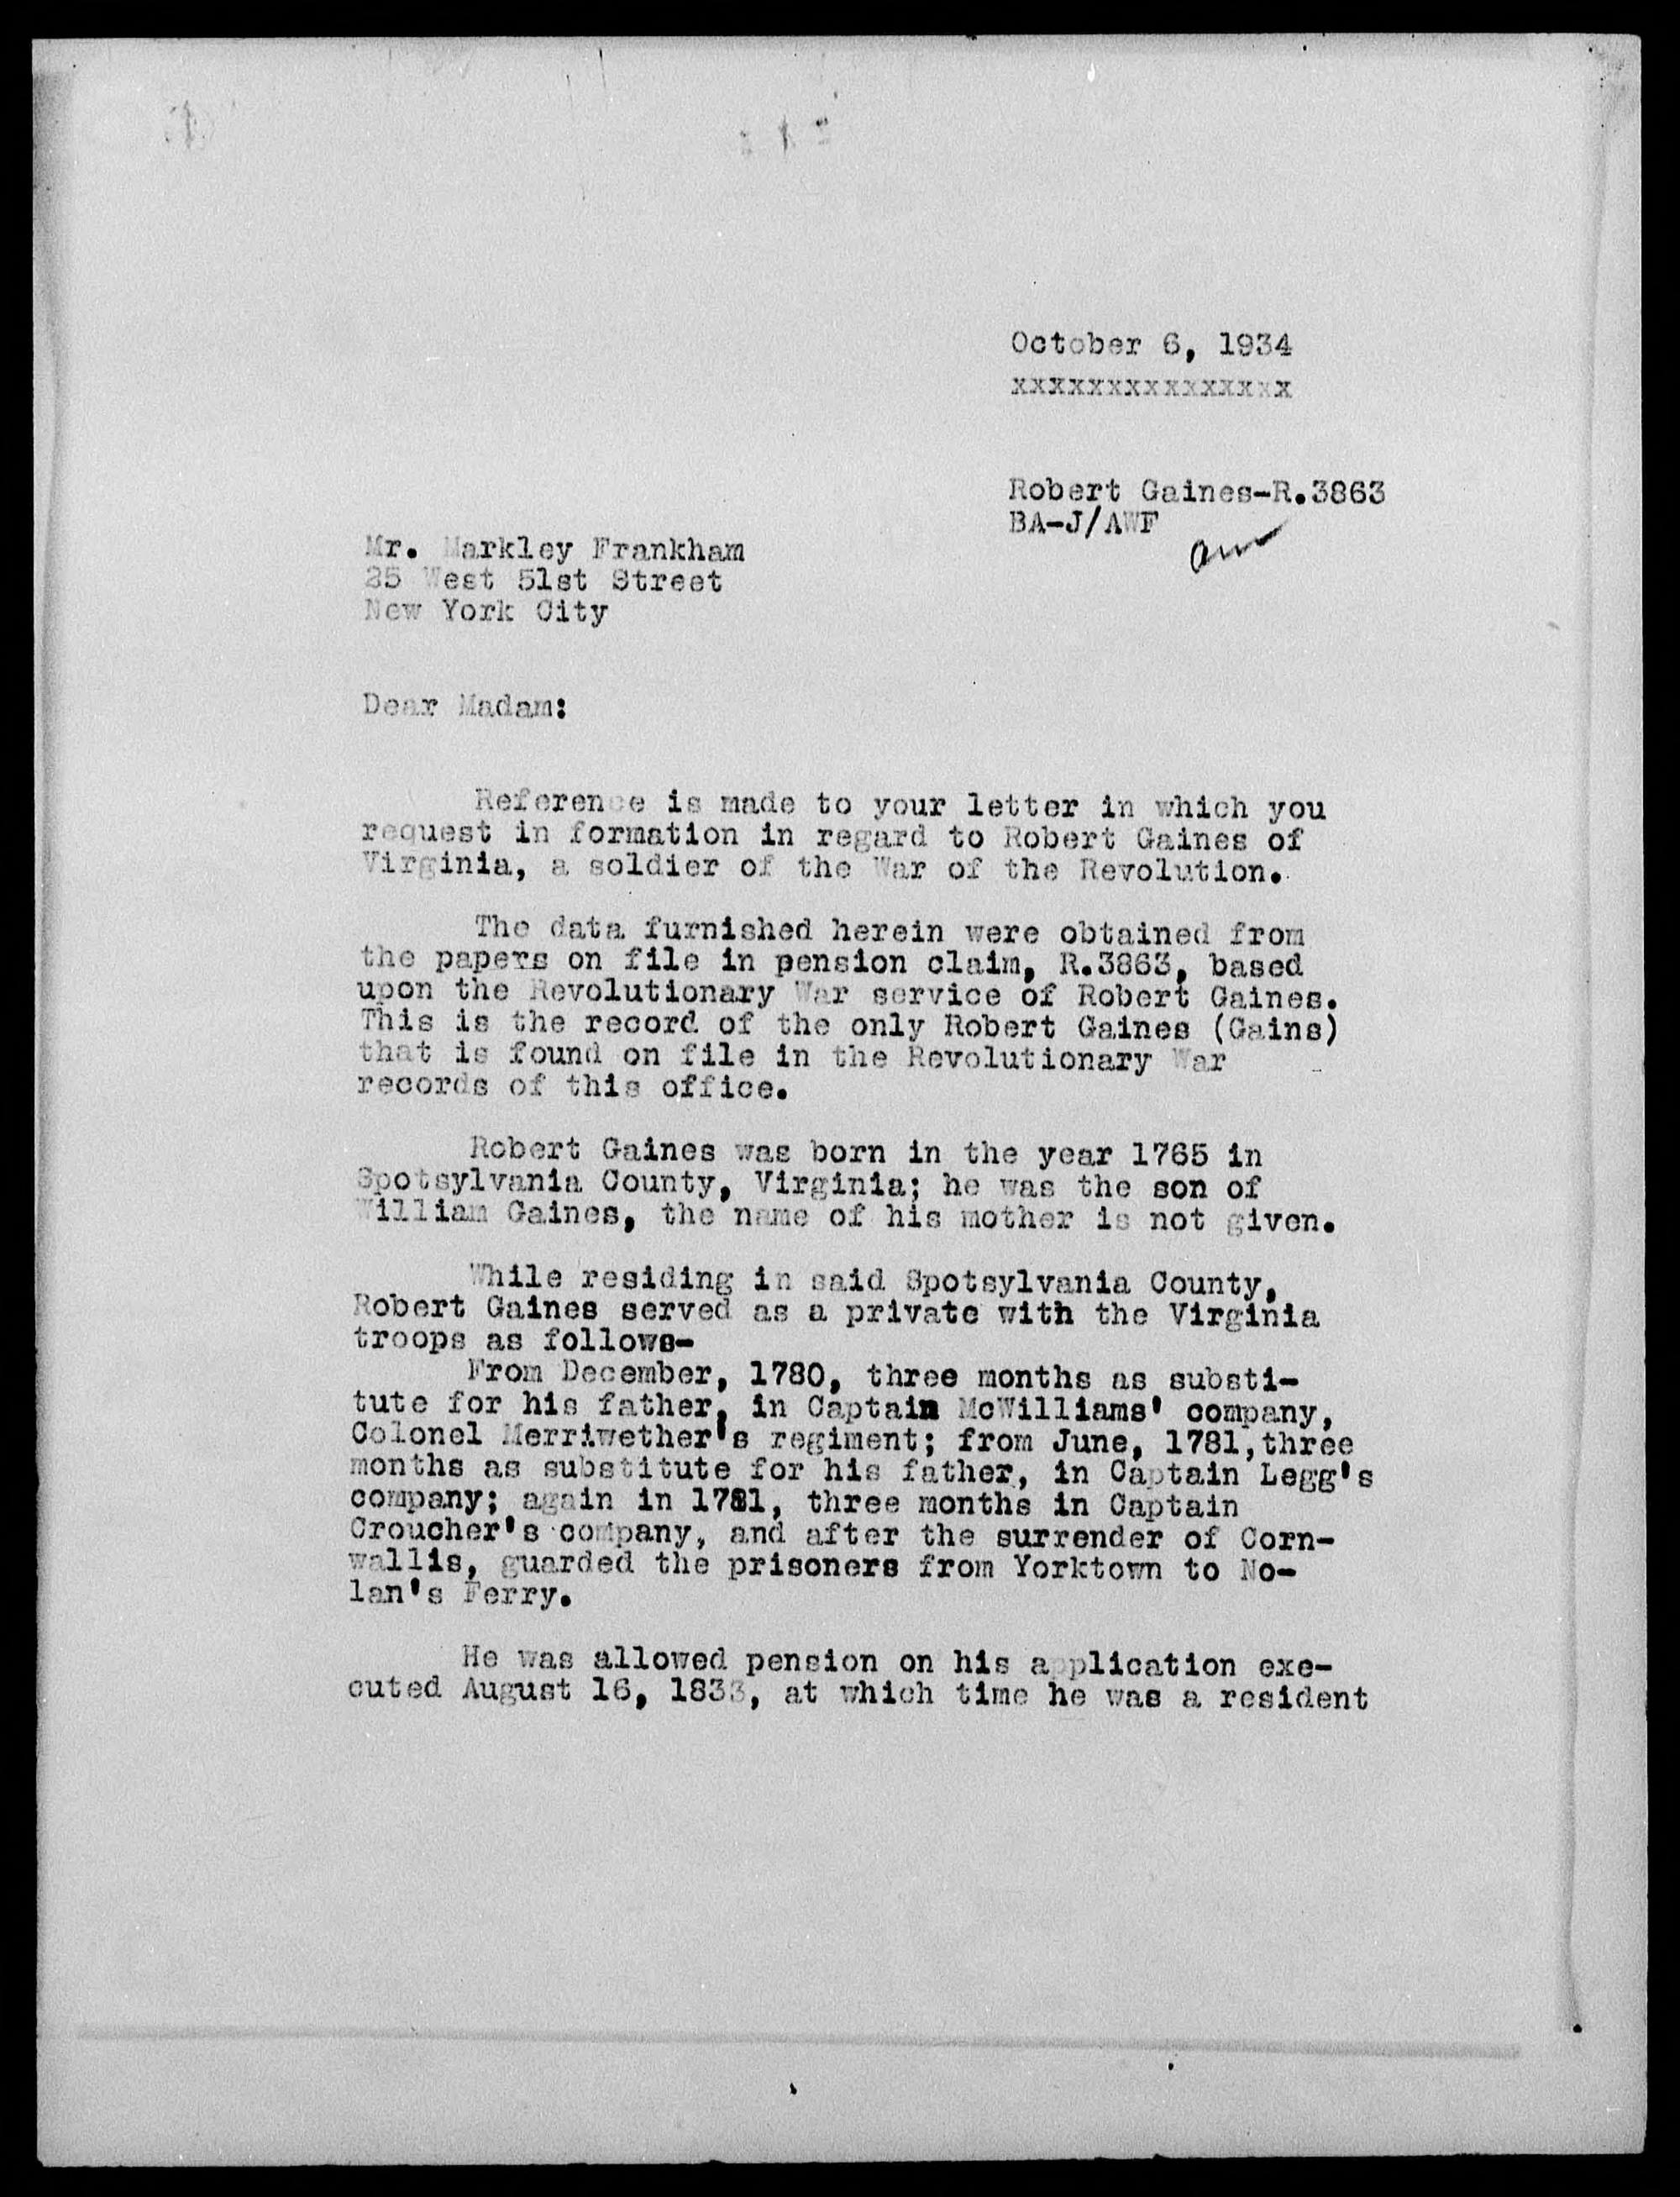October 6, 1934
Robert Gaines-R.3863
BA-J/AWF
Mr. Markley Frankham
25 West 51st Street
New York City
Dear Madam:
Reference is made to your letter in which you request in formation in regard to Robert Gaines of Virginia, a soldier of the War of the Revolution.
The data furnished herein were obtained from the papers on file in pension claim, R.3863, based upon the Revolutionary War service of Robert Gaines. This is the record of the only Robert Gaines (Gains) that is found on file in the Revolutionary War records of this office.
Robert Gaines was born in the year 1765 in Spotsylvania County, Virginia; he was the son of William Gaines, the name of his mother is not given.
While residing in said Spotsylvania County, Robert Gaines served as a private with the Virginia troops as follows-
From December, 1780, three months as substitute for his father, in Captain McWilliams' company, Colonel Merriwether's regiment; from June, 1781, three months as substitute for his father, in Captain Legg's company; again in 1781, three months in Captain Croucher's company, and after the surrender of Cornwallis, guarded the prisoners from Yorktown to Nolan's Ferry.
He was allowed pension on his application executed August 16, 1833, at which time he was a resident
[End of letter page]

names: Robert Gaines, Robert Gaines, William Gaines, Robert Gaines, Robert Gaines, Robert Gaines, Markley Frankham, Robert Gaines, Robert Gains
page: 23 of 79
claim: rejected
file: R. 3863, Robert Gaines, Va.